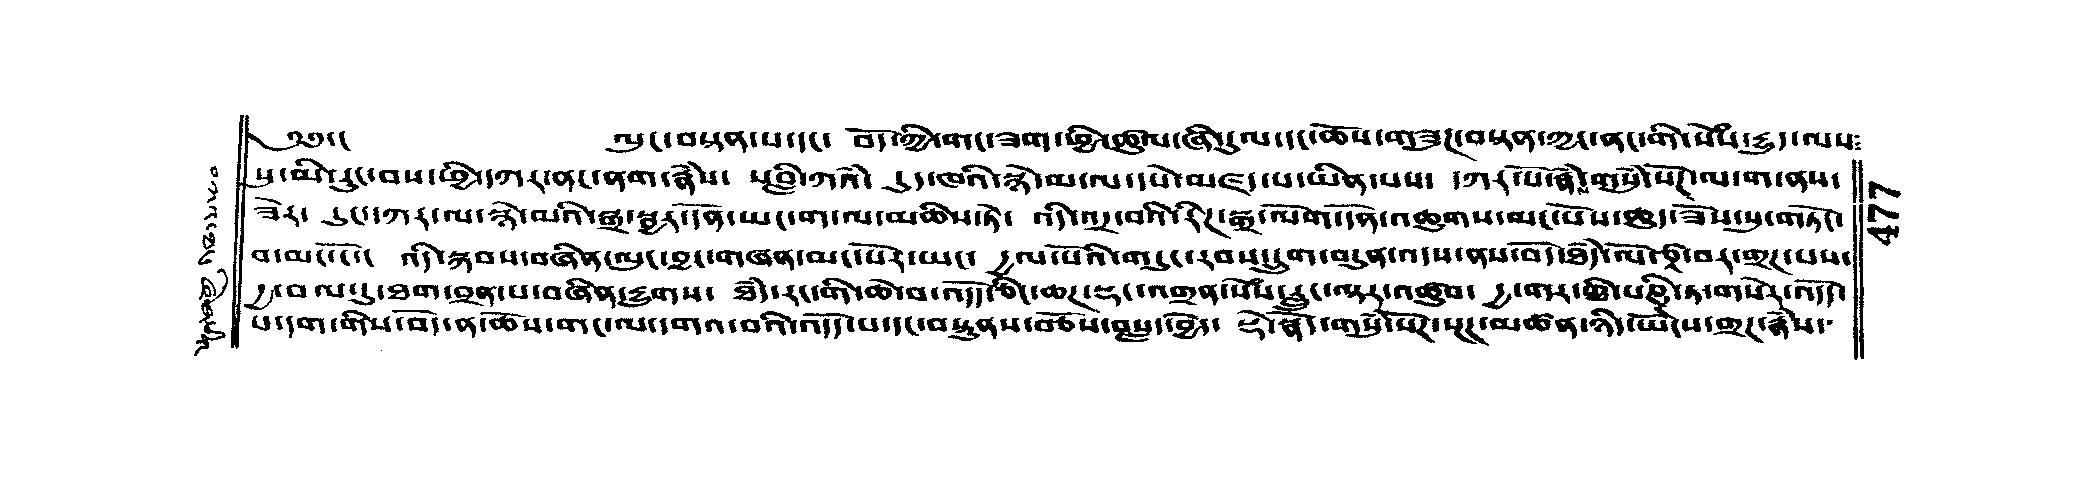ལུང་བསྟན་པ་དང་། བོད་ཀྱི་གང་ཟག་ཕྱི་ཚུལ་ཞི་དུལ་དང་ཆོས་གཟུགས་བསྟན་ཀྱང་ནང་གི་སེམས་རྒྱུད་ལས་
སུ་མི་རུང་བས་ཕྱི་དཀར་ནང་ནག་རྣམས། སབླི་ཀའམ། དུད་ཁའི་སྙེ་མ་ལ་དཔེ་མཛད་པ་ཡིན་པས། དཀར་པོ་རྣམ་གསུམ་སོགས་ལ་ག་ནས་
ཟེར། དུང་དཀར་ལ་སྙེ་མའི་སྒྲ་སྦྱར་དོན་ཡང་ག་ལ་མཆིས་ཏེ། འདི་འདྲ་བའི་རིགས་སྒྲ་ལོག་དོན་འཆུགས་མང་པོས་ཆུད་ཟོས་སུ་གཏོང་
བ་མང་ངོ་། འདི་སྐབས་བཞིན་ལུང་བྱང་གཞན་མང་པོར་ཡང་། རྒྱལ་པོའི་གདུང་རབས་དྲུག་བདུན་འདས་ནས་བོད་ཐམས་ཅད་ལོ་ཙཱ་བར་གྲགས་པས་
རྒྱ་བལ་དུ་ཐགས་བྲན་པ་བཞིན་རྒྱུགས། ཐམས་ཅད་རང་གི་ཆེ་བ་འདོད་ཅིང་ཆགས་སྡང་འགྲན་སེམས་རླུང་ལྟར་འཚུབ། རྒྱ་གར་གྱི་པཎྜི་ཏ་གསེར་འདོད་
པ་དག་གིས་བོད་ན་ཆོས་གང་ལ་དགའ་བའི་འདོད་པ་དང་བསྟུན་ནས་བཅོས་བསླད་བྱེད། སྡེ་སྣོད་གསུམ་སོགས་སྔགས་མཚན་ཉིད་ཡོངས་གྲགས་རྣམས་